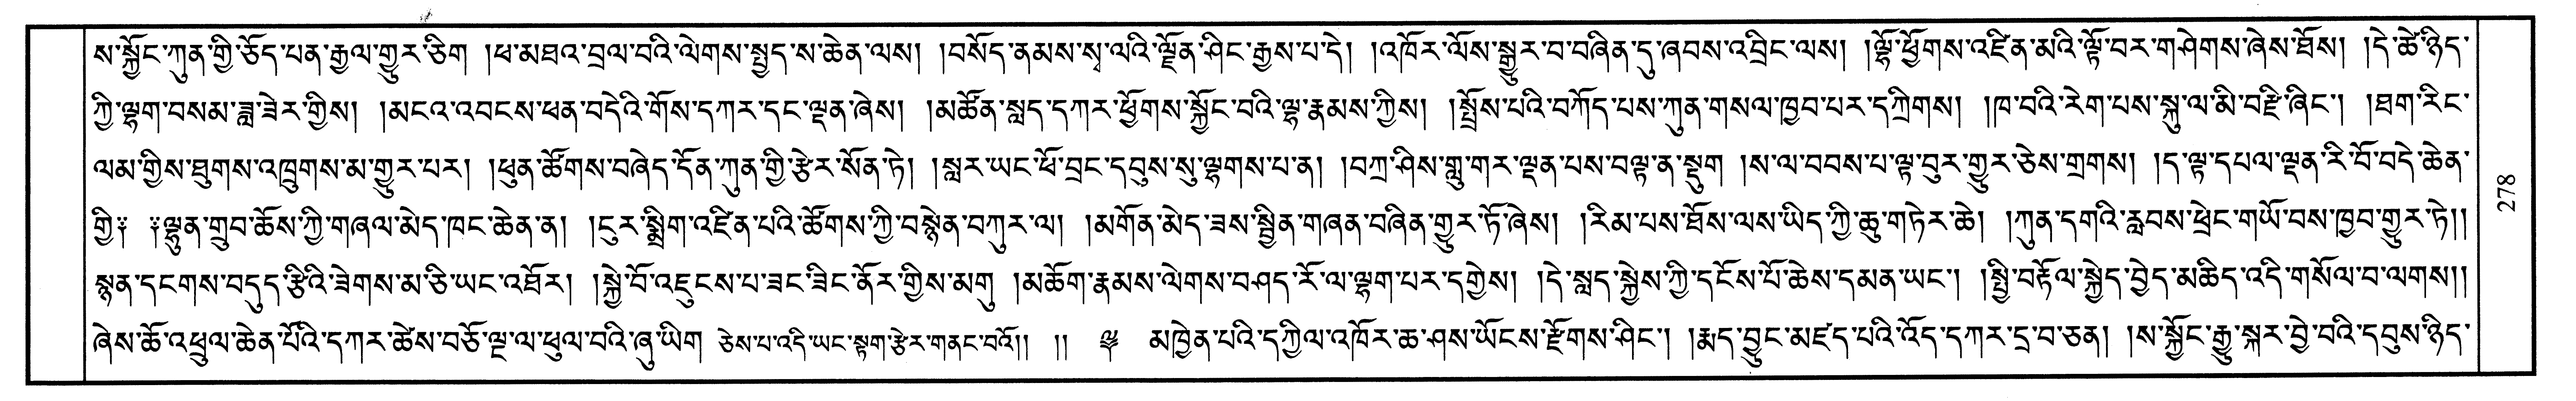ས་སྐྱོང་ཀུན་གྱི་ཅོད་པན་རྒྱལ་གྱུར་ཅིག །ཕ་མཐའ་བྲལ་བའི་ལེགས་སྤྱད་ས་ཆེན་ལས། །བསོད་ནམས་སྭ་ལའི་ལྗོན་ཤིང་རྒྱས་པ་དེ། །འཁོར་ལོས་སྒྱུར་བ་བཞིན་དུ་ཞབས་འབྲིང་ལས། །ལྷོ་ཕྱོགས་འཛིན་མའི་ལྟོ་བར་གཤེགས་ཞེས་ཐོས། །དེ་ཚེ་ཉིད་
ཀྱི་ལྷག་བསམ་ཟླ་ཟེར་གྱིས། །མངའ་འབངས་ཕན་བདེའི་གོས་དཀར་དང་ལྡན་ཞེས། །མཚོན་སླད་དཀར་ཕྱོགས་སྐྱོང་བའི་ལྷ་རྣམས་ཀྱིས། །སྤྲོས་པའི་བཀོད་པས་ཀུན་གསལ་ཁྱབ་པར་དཀྲིགས། །ཁ་བའི་རེག་པས་སྐུ་ལ་མི་བརྫི་ཞིང་། །ཐག་རིང་
ལམ་གྱིས་ཐུགས་འཁྲུགས་མ་གྱུར་པར། །ཕུན་ཚོགས་བཞེད་དོན་ཀུན་གྱི་རྩེར་སོན་ཏེ། །སླར་ཡང་ཕོ་བྲང་དབུས་སུ་ལྷགས་པ་ན། །བཀྲ་ཤིས་གླུ་གར་ལྡན་པས་བལྟ་ན་སྡུག །ས་ལ་བབས་པ་ལྟ་བུར་གྱུར་ཅེས་གྲགས། །ད་ལྟ་དཔལ་ལྡན་རི་བོ་བདེ་ཆེན་
གྱི། །ལྷུན་གྲུབ་ཆོས་ཀྱི་གཞལ་མེད་ཁང་ཆེན་ན། །ངུར་སྨྲིག་འཛིན་པའི་ཚོགས་ཀྱི་བསྙེན་བཀུར་ལ། །མགོན་མེད་ཟས་སྦྱིན་གཞན་བཞིན་གྱུར་ཏོ་ཞེས། །རིམ་པས་ཐོས་ལས་ཡིད་ཀྱི་ཆུ་གཏེར་ཆེ། །ཀུན་དགའི་རླབས་ཕྲེང་གཡོ་བས་ཁྱབ་གྱུར་ཏེ།།
སྙན་དངགས་བདུད་རྩིའི་ཟེགས་མ་ཅི་ཡང་འཐོར། །སྐྱེ་བོ་འཇུངས་པ་ཟང་ཟིང་ནོར་གྱིས་མགུ །མཆོག་རྣམས་ལེགས་བཤད་རོ་ལ་ལྷག་པར་དགྱེས། །དེ་སླད་སྐྱེས་ཀྱི་དངོས་པོ་ཆེས་དམན་ཡང་། །སྤྱི་བརྟོལ་སྐྱེད་བྱེད་མཆིད་འདི་གསོལ་བ་ལགས། །
ཞེས་ཆོ་འཕྲུལ་ཆེན་པོའི་དཀར་ཚེས་བཅོ་ལྔ་ལ་ཕུལ་བའི་ཞུ་ཡིག་ཅེས་པ་འདི་ཡང་སྟག་རྩེར་གནང་བའོ།། །། ༈ མཁྱེན་པའི་དཀྱིལ་འཁོར་ཆ་ཤས་ཡོངས་རྫོགས་ཤིང་། །རྨད་བྱུང་མཛད་པའི་འོད་དཀར་དྲ་བ་ཅན། །ས་སྐྱོང་རྒྱུ་སྐར་བྱེ་བའི་དབུས་ཉིད་